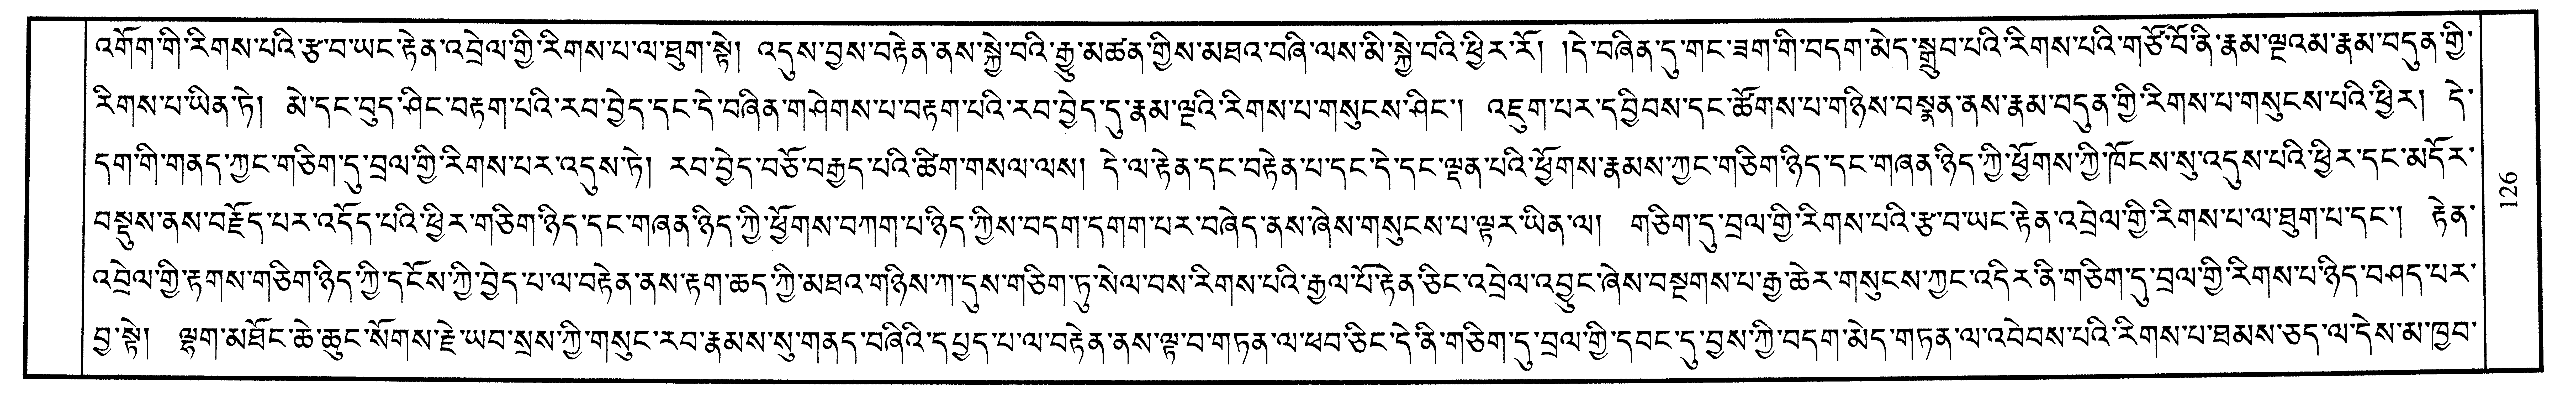འགོག་གི་རིགས་པའི་རྩ་བ་ཡང་རྟེན་འབྲེལ་གྱི་རིགས་པ་ལ་ཐུག་སྟེ། འདུས་བྱས་བརྟེན་ནས་སྐྱེ་བའི་རྒྱུ་མཚན་གྱིས་མཐའ་བཞི་ལས་མི་སྐྱེ་བའི་ཕྱིར་རོ། །དེ་བཞིན་དུ་གང་ཟག་གི་བདག་མེད་སྒྲུབ་པའི་རིགས་པའི་གཙོ་བོ་ནི་རྣམ་ལྔའམ་རྣམ་བདུན་གྱི་
རིགས་པ་ཡིན་ཏེ། མེ་དང་བུད་ཤིང་བརྟག་པའི་རབ་བྱེད་དང་དེ་བཞིན་གཤེགས་པ་བརྟག་པའི་རབ་བྱེད་དུ་རྣམ་ལྔའི་རིགས་པ་གསུངས་ཤིང་། འཇུག་པར་དབྱིབས་དང་ཚོགས་པ་གཉིས་བསྣན་ནས་རྣམ་བདུན་གྱི་རིགས་པ་གསུངས་པའི་ཕྱིར། དེ་
དག་གི་གནད་ཀྱང་གཅིག་དུ་བྲལ་གྱི་རིགས་པར་འདུས་ཏེ། རབ་བྱེད་བཅོ་བརྒྱད་པའི་ཚིག་གསལ་ལས། དེ་ལ་རྟེན་དང་བརྟེན་པ་དང་དེ་དང་ལྡན་པའི་ཕྱོགས་རྣམས་ཀྱང་གཅིག་ཉིད་དང་གཞན་ཉིད་ཀྱི་ཕྱོགས་ཀྱི་ཁོངས་སུ་འདུས་པའི་ཕྱིར་དང་མདོར་
བསྡུས་ནས་བརྗོད་པར་འདོད་པའི་ཕྱིར་གཅིག་ཉིད་དང་གཞན་ཉིད་ཀྱི་ཕྱོགས་བཀག་པ་ཉིད་ཀྱིས་བདག་དགག་པར་བཞེད་ནས་ཞེས་གསུངས་པ་ལྟར་ཡིན་ལ། གཅིག་དུ་བྲལ་གྱི་རིགས་པའི་རྩ་བ་ཡང་རྟེན་འབྲེལ་གྱི་རིགས་པ་ལ་ཐུག་པ་དང་། རྟེན་
འབྲེལ་གྱི་རྟགས་གཅིག་ཉིད་ཀྱི་དངོས་ཀྱི་བྱེད་པ་ལ་བརྟེན་ནས་རྟག་ཆད་ཀྱི་མཐའ་གཉིས་ཀ་དུས་གཅིག་ཏུ་སེལ་བས་རིགས་པའི་རྒྱལ་པོ་རྟེན་ཅིང་འབྲེལ་འབྱུང་ཞེས་བསྔགས་པ་རྒྱ་ཆེར་གསུངས་ཀྱང་འདིར་ནི་གཅིག་དུ་བྲལ་གྱི་རིགས་པ་ཉིད་བཤད་པར་
བྱ་སྟེ། ལྷག་མཐོང་ཆེ་ཆུང་སོགས་རྗེ་ཡབ་སྲས་ཀྱི་གསུང་རབ་རྣམས་སུ་གནད་བཞིའི་དཔྱད་པ་ལ་བརྟེན་ནས་ལྟ་བ་གཏན་ལ་ཕབ་ཅིང་དེ་ནི་གཅིག་དུ་བྲལ་གྱི་དབང་དུ་བྱས་ཀྱི་བདག་མེད་གཏན་ལ་འབེབས་པའི་རིགས་པ་ཐམས་ཅད་ལ་དེས་མ་ཁྱབ་